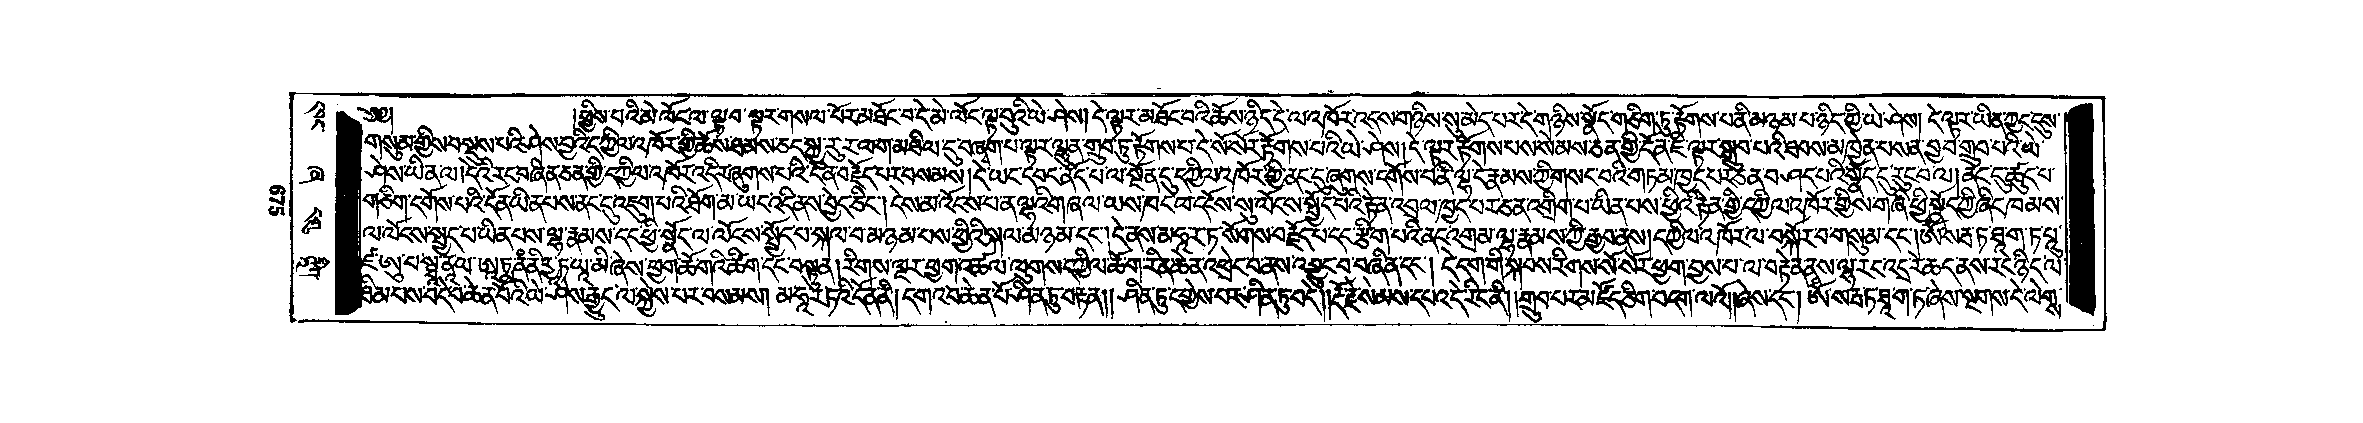༄༅། །ཕྱིས་པའི་མེ་ལོང་ལ་ལྟ་བ་ལྟར་གསལ་པོར་མཐོང་བ་དེ་མེ་ལོང་ལྟ་བུའི་ཡེ་ཤེས། དེ་ལྟར་མཐོང་བའི་ཆོས་ཉིད་དེ་ལ་འཁོར་འདས་གཉིས་སུ་མེད་པར་དེ་གཉིས་སྣོད་གཅིག་ཏུ་རྟོགས་པ་ནི་མཉམ་པ་ཉིད་ཀྱི་ཡེ་ཤེས། དེ་ལྟར་ཡིན་ཀྱང་དུས་
གསུམ་གྱིས་བསྡུས་པའི་ཤེས་བྱའི་དཀྱིལ་འཁོར་གྱི་ཆོས་ཐམས་ཅད་སྐྱུ་རུ་ར་ལག་མཐིལ་དུ་བཞྭག་པ་ལྟར་ལྷུན་གྲུབ་ཏུ་རྟོགས་པ་དེ་སོ་སོར་རྟོགས་པའི་ཡེ་ཤེས། དེ་ལྟར་རྟོགས་པས་སེམས་ཅན་གྱི་དོན་ཇི་ལྟར་སྒྲུབ་པའི་ཐབས་མཁྱེན་པས་ན་བྱ་བ་གྲུབ་པའི་ཡེ་
ཤེས་ཡིན་ལ། དེའི་རང་བཞིན་ཅན་གྱི་དཀྱིལ་འཁོར་འདིར་ཞུགས་པའི་དོན་བརྗོད་པར་བསམས། དེ་ཡང་དབང་ནོད་པ་ལ་སྔོན་དུ་དཀྱིལ་འཁོར་གྱི་ནང་དུ་ཞུགས་དགོས་པ་ནི་ལྷ་དེ་རྣམས་ཀྱི་གསང་བའི་གཏམ་ཁྱད་པར་ཅན་བཤད་པའི་སྣོད་དུ་རུང་བ་ལ། ནང་དུ་ཚུད་པ་
གཅིག་དགོས་པའི་དོན་ཡིན་པས་ནང་དུ་འཇུག་པའི་ཐོག་མ་ཡང་འདི་ནས་བྱེད་ཅིང་། དེས་མ་འོངས་པ་ན་ལྷའི་གཞལ་ཡས་ཁང་ལ་དངོས་སུ་ལོངས་སྤྱོད་པའི་རྟེན་འབྲལ་ཁྱད་པར་ཅན་འགྲིག་པ་ཡིན་པས་ཕྱིའི་རྟེན་གྱི་དཀྱིལ་འཁོར་གྱིས་གཞི་ཕྱི་སྣོད་ཀྱི་ཞིང་ཁམས་
ལ་ལོངས་སྤྱད་པ་ཡིན་པས་ལྷ་རྣམས་དང་ཕྱི་སྣོད་ལ་ལོངས་སྤྱོད་པ་སྐལ་བ་མཉམ་པས་ཕྱིའི་སྐལ་མཉམ་དང་། དེ་ནས་མཧཱ་ར་ཏ་སོགས་བརྗོད་པ་དང་རྩིག་པའི་ནང་འགྲམ་ལྷ་རྣམས་ཀྱི་རྒྱབ་ནས། དཀྱིལ་འཁོར་ལ་བསྐོར་བ་གསུམ་དང་། ཨོཾ་སརྦ་ཏ་ཐཱ་ག་ཏ་པཱུ་
ཛ་ཨུ་པ་སྠཱ་ནཱ་ཡ་ཨཱཏྨ་ནཾ་ནིརྱ་ཏ་ཡཱ་མི་ཞེས་ཕྱག་ཆོ་གའི་ཚིག་དང་བསྟུན། རིགས་ལྔར་ཕྱག་འཚལ་ལུགས་དཀྱིལ་ཆོ་ག་རིན་ཆེན་འཕྲེང་བ་ནས་འབྱུང་བ་བཞིན་དང་། དེ་དག་གི་སྐབས་རིགས་སོ་སོར་ཕྱག་བྱས་པ་ལ་བརྟེན་ནས་ལྷ་རང་འདྲ་རེ་ཆད་ནས་རང་ཉིད་ལ་
ཐིམ་པས་བདེ་བ་ཆེན་པོའི་ཡེ་ཤེས་རྒྱུད་ལ་སྐྱེས་པར་བསམས། མཧཱ་ར་ཏའི་དོན་ནི། དགའ་བ་ཆེན་པོ་ཤིན་ཏུ་བརྟན། ཤིན་ཏུ་དགྱེས་པར་ཤིན་ཏུ་བདེ། །རྡོ་རྗེ་སེམས་དཔའ་དེ་རིང་ནི། །གྲུབ་པར་མཛོད་ཅིག་བདག་ལའོ། །ཞེས་དང་། ཨོཾ་སརྦ་ཏ་ཐཱ་ག་ཏ་ཞེས་སྔགས་དེ་ལེགས་